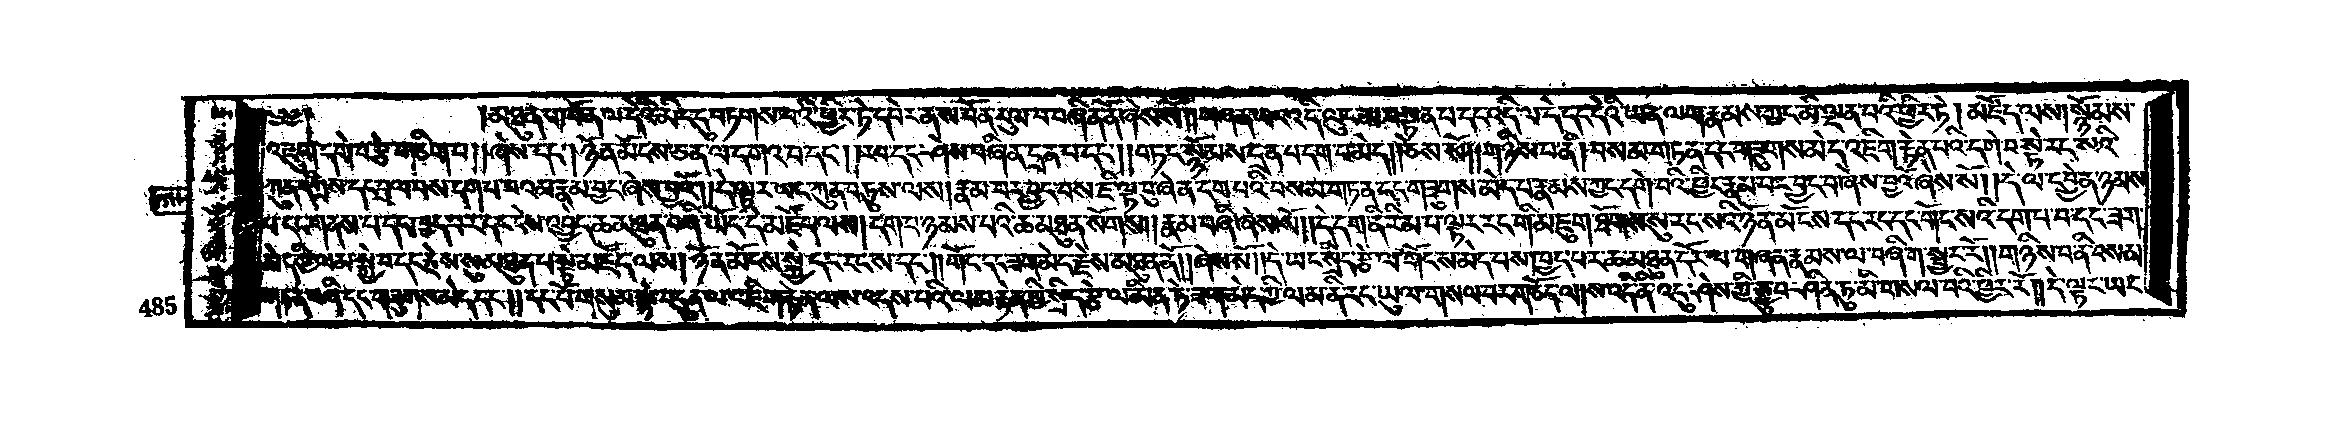༄༅། །མཐུན་པ་ཁོ་ན་ལ་དེའི་མིང་དུ་བཏགས་པའི་ཕྱིར་ཏེ་དཔེར་ན་ས་བོན་རུལ་བ་བཞིན་ནོ་ཞེས་སོ། །གཞན་ཡང་འདི་ལུང་མ་བསྟན་པ་དང་འདི་ལ་དེ་དང་དེའི་ཡན་ལག་རྣམས་ཀྱང་མི་ལྡན་པའི་ཕྱིར་ཏེ། མཛོད་ལས། སྙོམས་
འཇུག་དགེ་བ་རྩེ་གཅིག་པ། །ཞེས་དང་། ཉོན་མོངས་ཅན་ལ་དགའ་བ་དང་། །རབ་དང་ཤེས་བཞིན་དྲན་པ་དང་། །བཏང་སྙོམས་དྲན་བ་དག་པ་མེད། །ཅེས་སོ། །གཉིས་པ་ནི། བསམ་གཏན་དང་གཟུགས་མེད་འཇིག་རྟེན་པའི་དགེ་བ་སྟེ་རང་སའི་
ཀུན་དཀྲིས་དང་བྲལ་བས་དག་པ་བའམ་རྣམ་བྱང་ཞེས་བྱའོ། །དེ་ལྟར་ཡང་ཀུན་བཏུས་ལས། རྣམ་པར་བྱང་བས་ཇི་ལྟ་བུ་ཞེ་ན་དག་པའི་བསམ་གཏན་དང་གཟུགས་མེད་པ་རྣམས་ཀྱང་དགེ་བའི་ཕྱིར་རྣམ་པར་བྱང་བ་ཞེས་བྱའོ་ཞེས་སོ། །དེ་ལ་དབྱེ་ན་ཉམས་
པ་དང་གནས་པ་དང་ཁྱད་པར་དང་ངེས་འབྱེད་ཆ་མཐུན་བཞི་ཡོད་དེ་མཛོད་ལས། དག་པ་ཉམས་པའི་ཆ་མཐུན་སོགས། །རྣམ་བཞི་ཞེས་སོ། །དེ་དག་ནི་རིམ་པ་ལྟར་རང་གི་མཇུག་ཐོགས་སུ་རང་སའི་ཉོན་མོངས་དང་རང་དང་གོང་སའི་དག་པ་བ་དང་ཟག་
མེད་ཀྱི་ལམ་སྐྱེ་བ་དང་རྗེས་སུ་མཐུན་པ་སྟེ་མཛོད་ལས། ཉོན་མོངས་སྐྱེ་དང་རང་ས་དང་། །གོང་དང་ཟག་མེད་རྗེས་མཐུན་ནོ། །ཞེས་སོ། །དེ་ཡང་སྲིད་རྩེ་ལ་གོང་ས་མེད་པས་ཁྱད་པར་ཆ་མཐུན་དོར་ལ་གཞན་རྣམས་ལ་བཞིག་སྦྱར་རོ། །གཉིས་པ་ནི་བསམ་
གཏན་བཞི་དང་གཟུགས་མེད་དང་། །དང་པོ་གསུམ་སྟེ་བདུན་ལ་འཇིག་རྟེན་ལས་འདས་པའི་ལམ་རྟེན་གྱི་སྲིད་རྩེ་ལ་མིན་ཏེ་ཟག་མེད་ཀྱི་ལམ་ནི་རང་ཡུལ་གསལ་བར་གཅོད་ལ། ས་འདི་ནི་འདུ་ཤེས་ཀྱི་རྒྱུ་བ་ཤིན་ཏུ་མི་གསལ་བའི་ཕྱིར་རོ། །དེ་ལྟར་ཡང་